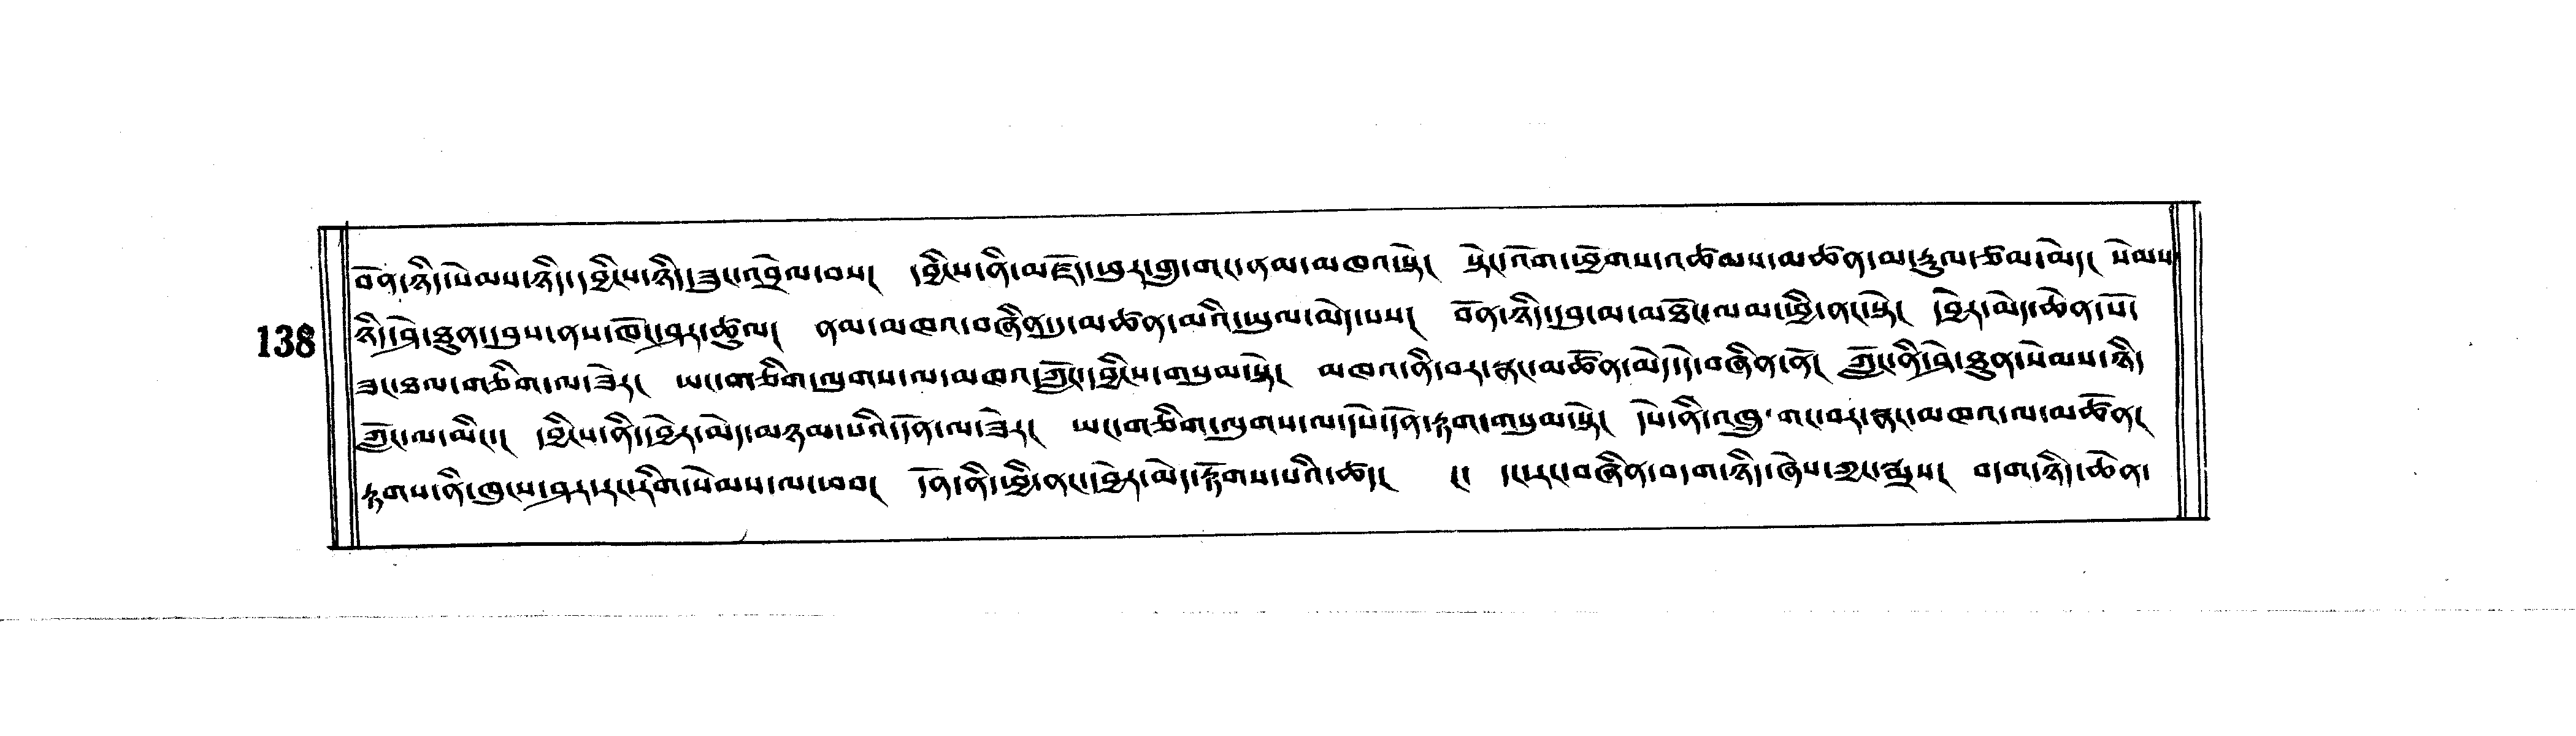བོན་ཉིད་སེམས་ཉིད་དབྱེར་མེད་ཟུང་འབྲེལ་བས། དབྱིངས་ནི་མཛོད་ཕུར་༼སྤུར༽གྲུ་གང་ནམ་མཁའ་སྟེ། སྟེང་འོག་ཕྱོགས་མཚམས་མཚན་མ་རྡུལ་ཙམ་མེད། སེམས་
ཉིད་ཤེ་ཐུན་དབུས་ནས་ཁོང་ཤར་ཚུལ། ནམ་མཁའ་བཞིན་དུ་མཚན་མའི་ཡུལ་མེད་པས། བོན་ཉིད་དབུ་མ་མཐོང་ལམ་ཕྱི་ནང་སྟེ། དབྱེར་མེད་ཆེན་པོ་
ཟང་ཐལ་གཅིག་ལ་ཟེར། ཡང་གཅིག་ལུགས་ལ་མཁའ་ཀློང་དབྱིངས་གསུམ་སྟེ། མཁའ་ནི་བར་སྣང་མཚོན་མེད་དེ་བཞིན་ནོ། ཀློང་ནི་ཤེ་ཐུན་སེམས་ནི་
ཀློང་ལ་མིང་། དབྱིངས་ནི་དབྱེར་མེད་མཉམ་པའི་དོན་ལ་ཟེར། ཡང་གཅིག་ལུགས་ལ་དཔེ་དོན་རྟགས་གསུམ་སྟེ། དཔེ་ནི་ཁྲུ་གང་བར་སྣང་མཁའ་ལ་མཚོན། 
རྟགས་ནི་ཁུངས་ཤར་རང་རིག་སེམས་ལ་ཕབ། དོན་ནི་ཕྱི་ནང་དབྱེར་མེད་རྟོགས་པའི་ཚད། ངང་དང་རང་བཞིན་བདག་ཉིད་ཞེས་ཀྱང་སྨྲ། བདག་ཉིད་ཆེན་